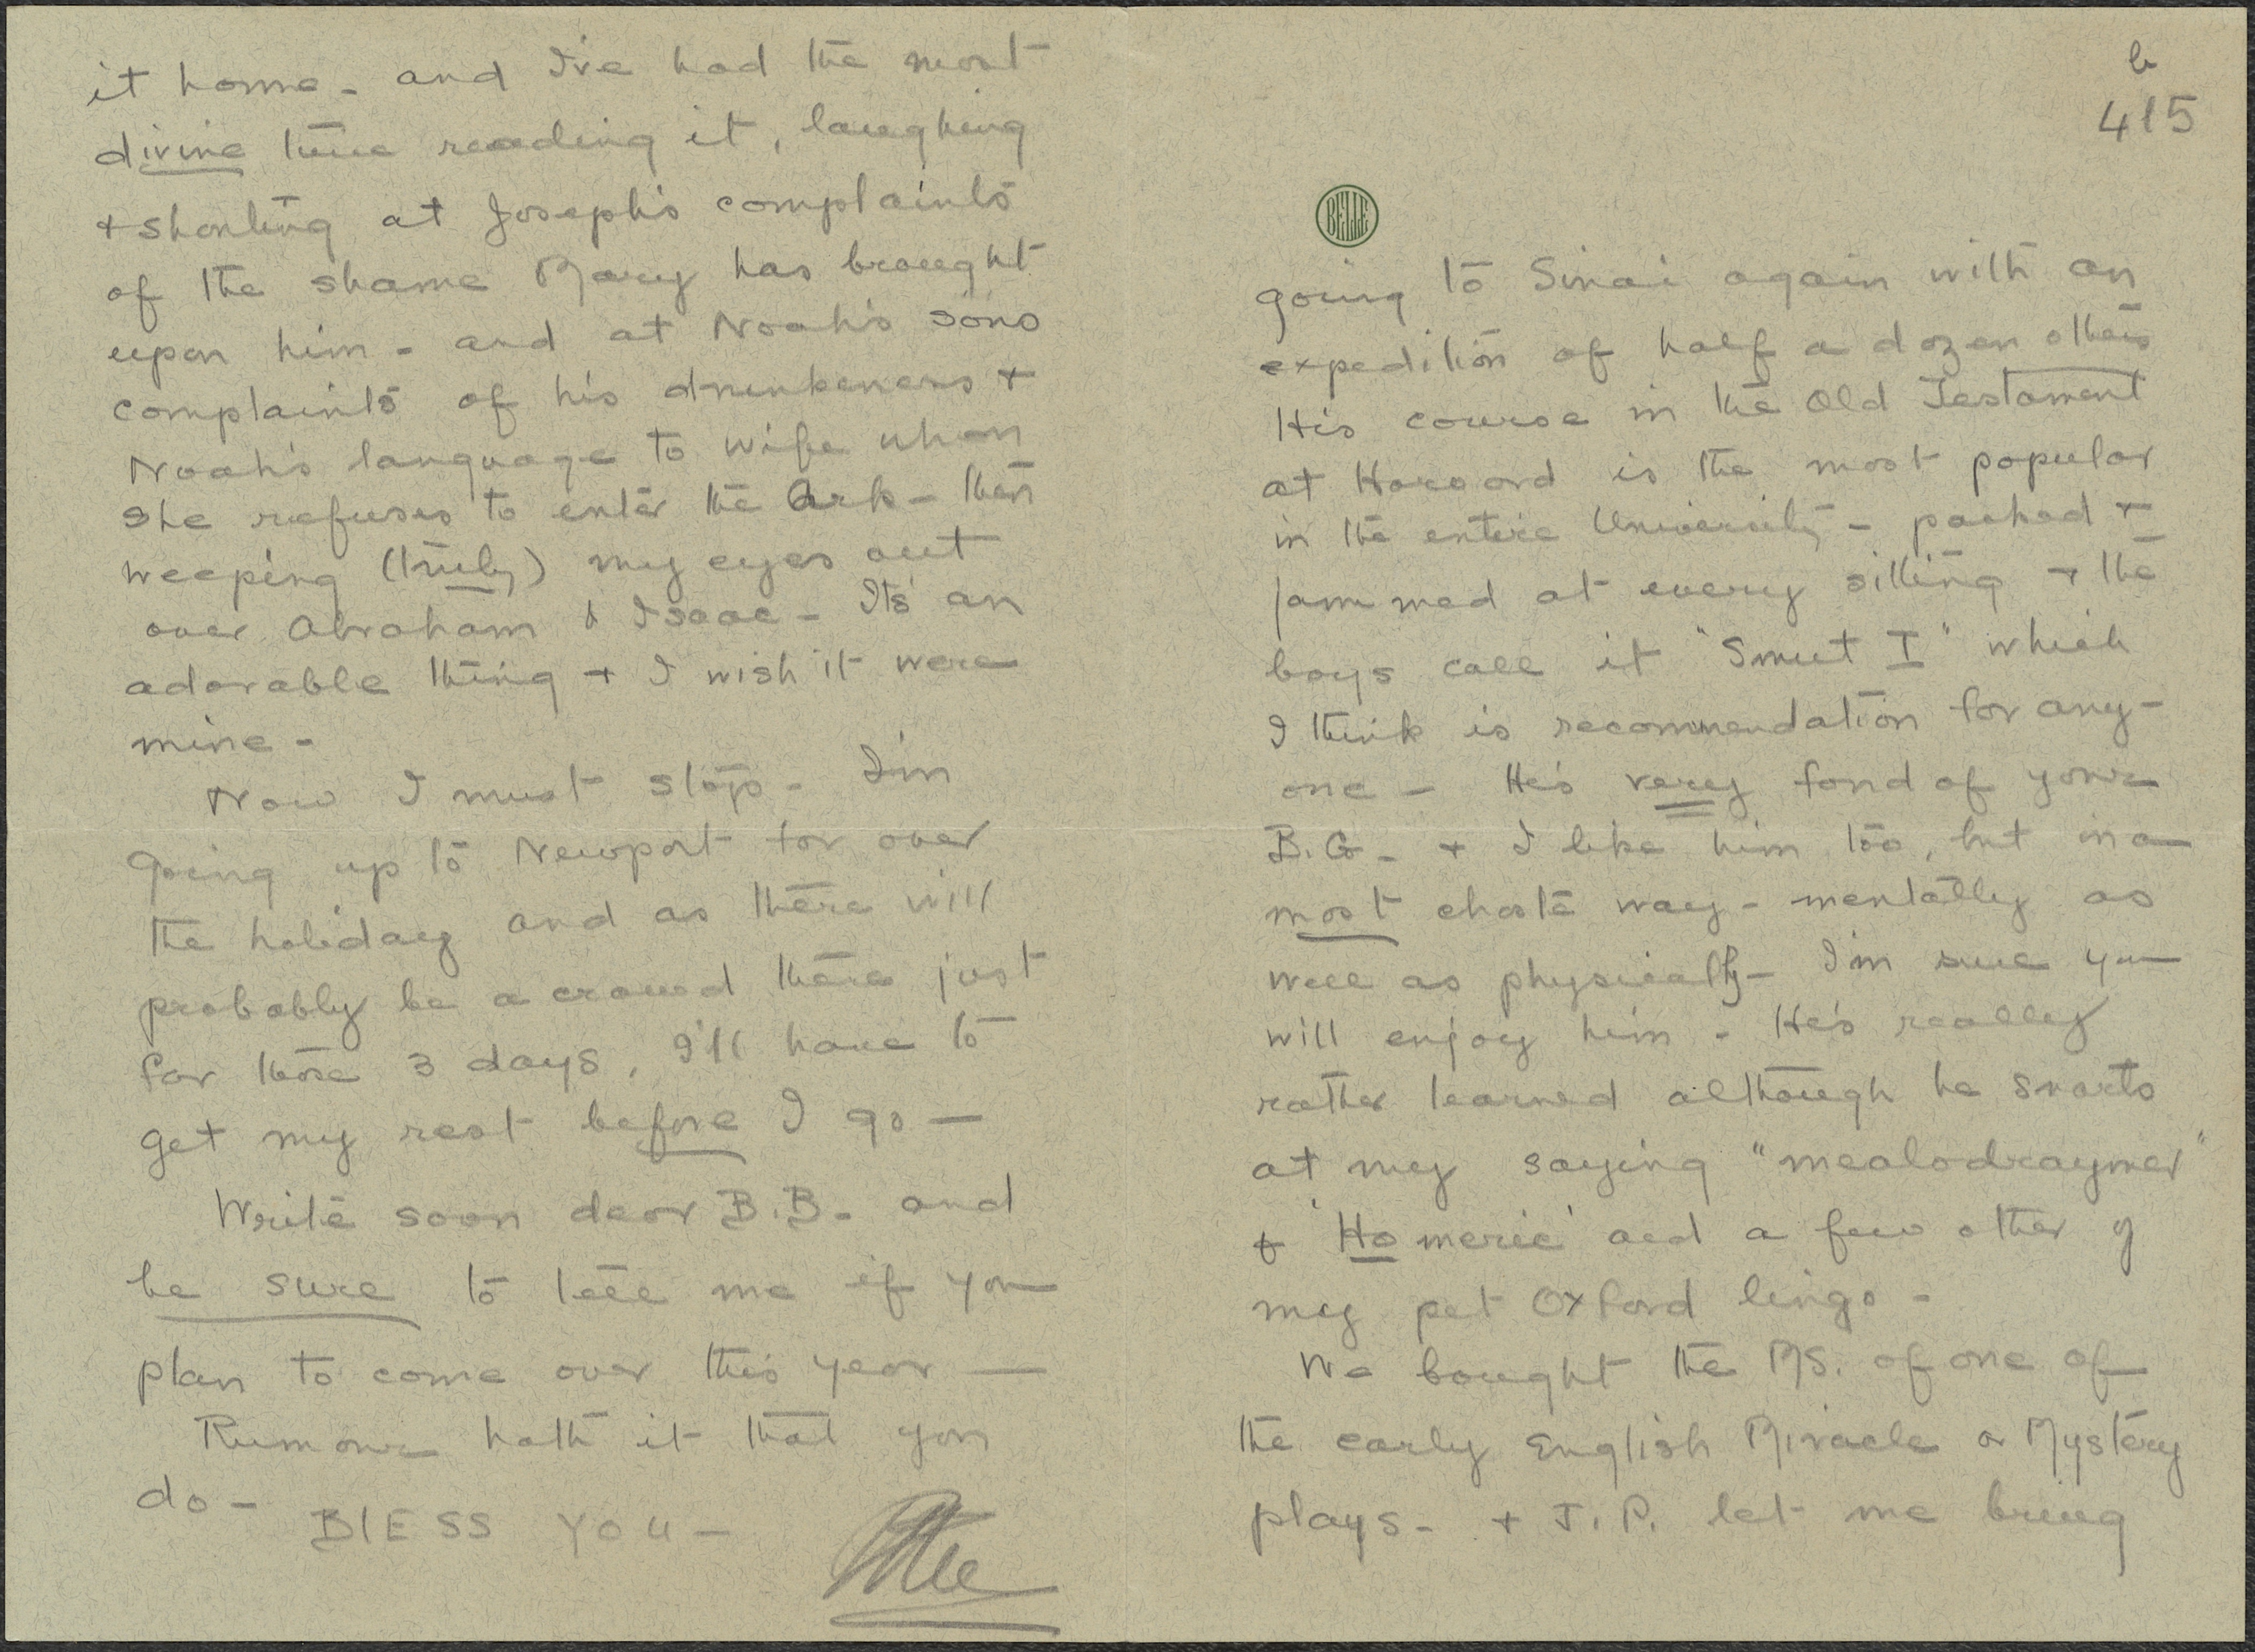going to Sinai again with an expedition of half a dozen others. His course in the Old Testament at Harvard is the most popular in the entire University – packed & jammed at every sitting & the boys call it “Smut I” which I think is recommendation for anyone – He’s [double underlined: very] fond of your B.G – & I like him too, but in a most chaste way – mentally as well as physically – I’m sure you will enjoy him. He’s really rather learned although he snorts at my saying “mealodraymer” & ‘Homeric’ and a few other of my pet Oxford lingo –
We bought the MS. of one of the early English Miracle or Mystery plays – & J.P. let me bring
it home – and I’ve had the most divine time reading it, laughing & shouting at Joseph’s complaints of the shame Mary has brought upon him – and at Noah’s sons complaints of his drunkenness & Noah’s language to wife when she refuses to enter the Ark – then weeping (truly) my eyes out over Abraham & Isaac – It’s an adorable thing & I wish it were mine –
Now I must stop – I’m going up to Newport for over the holiday and as there will probably be a crowd there just for those 3 days, I’ll have to get my rest before I go –
Write soon dear B.B – and be sure to tell me if you plan to come over this year –
Rumour hath it that you do –
BLESS YOU –
Belle